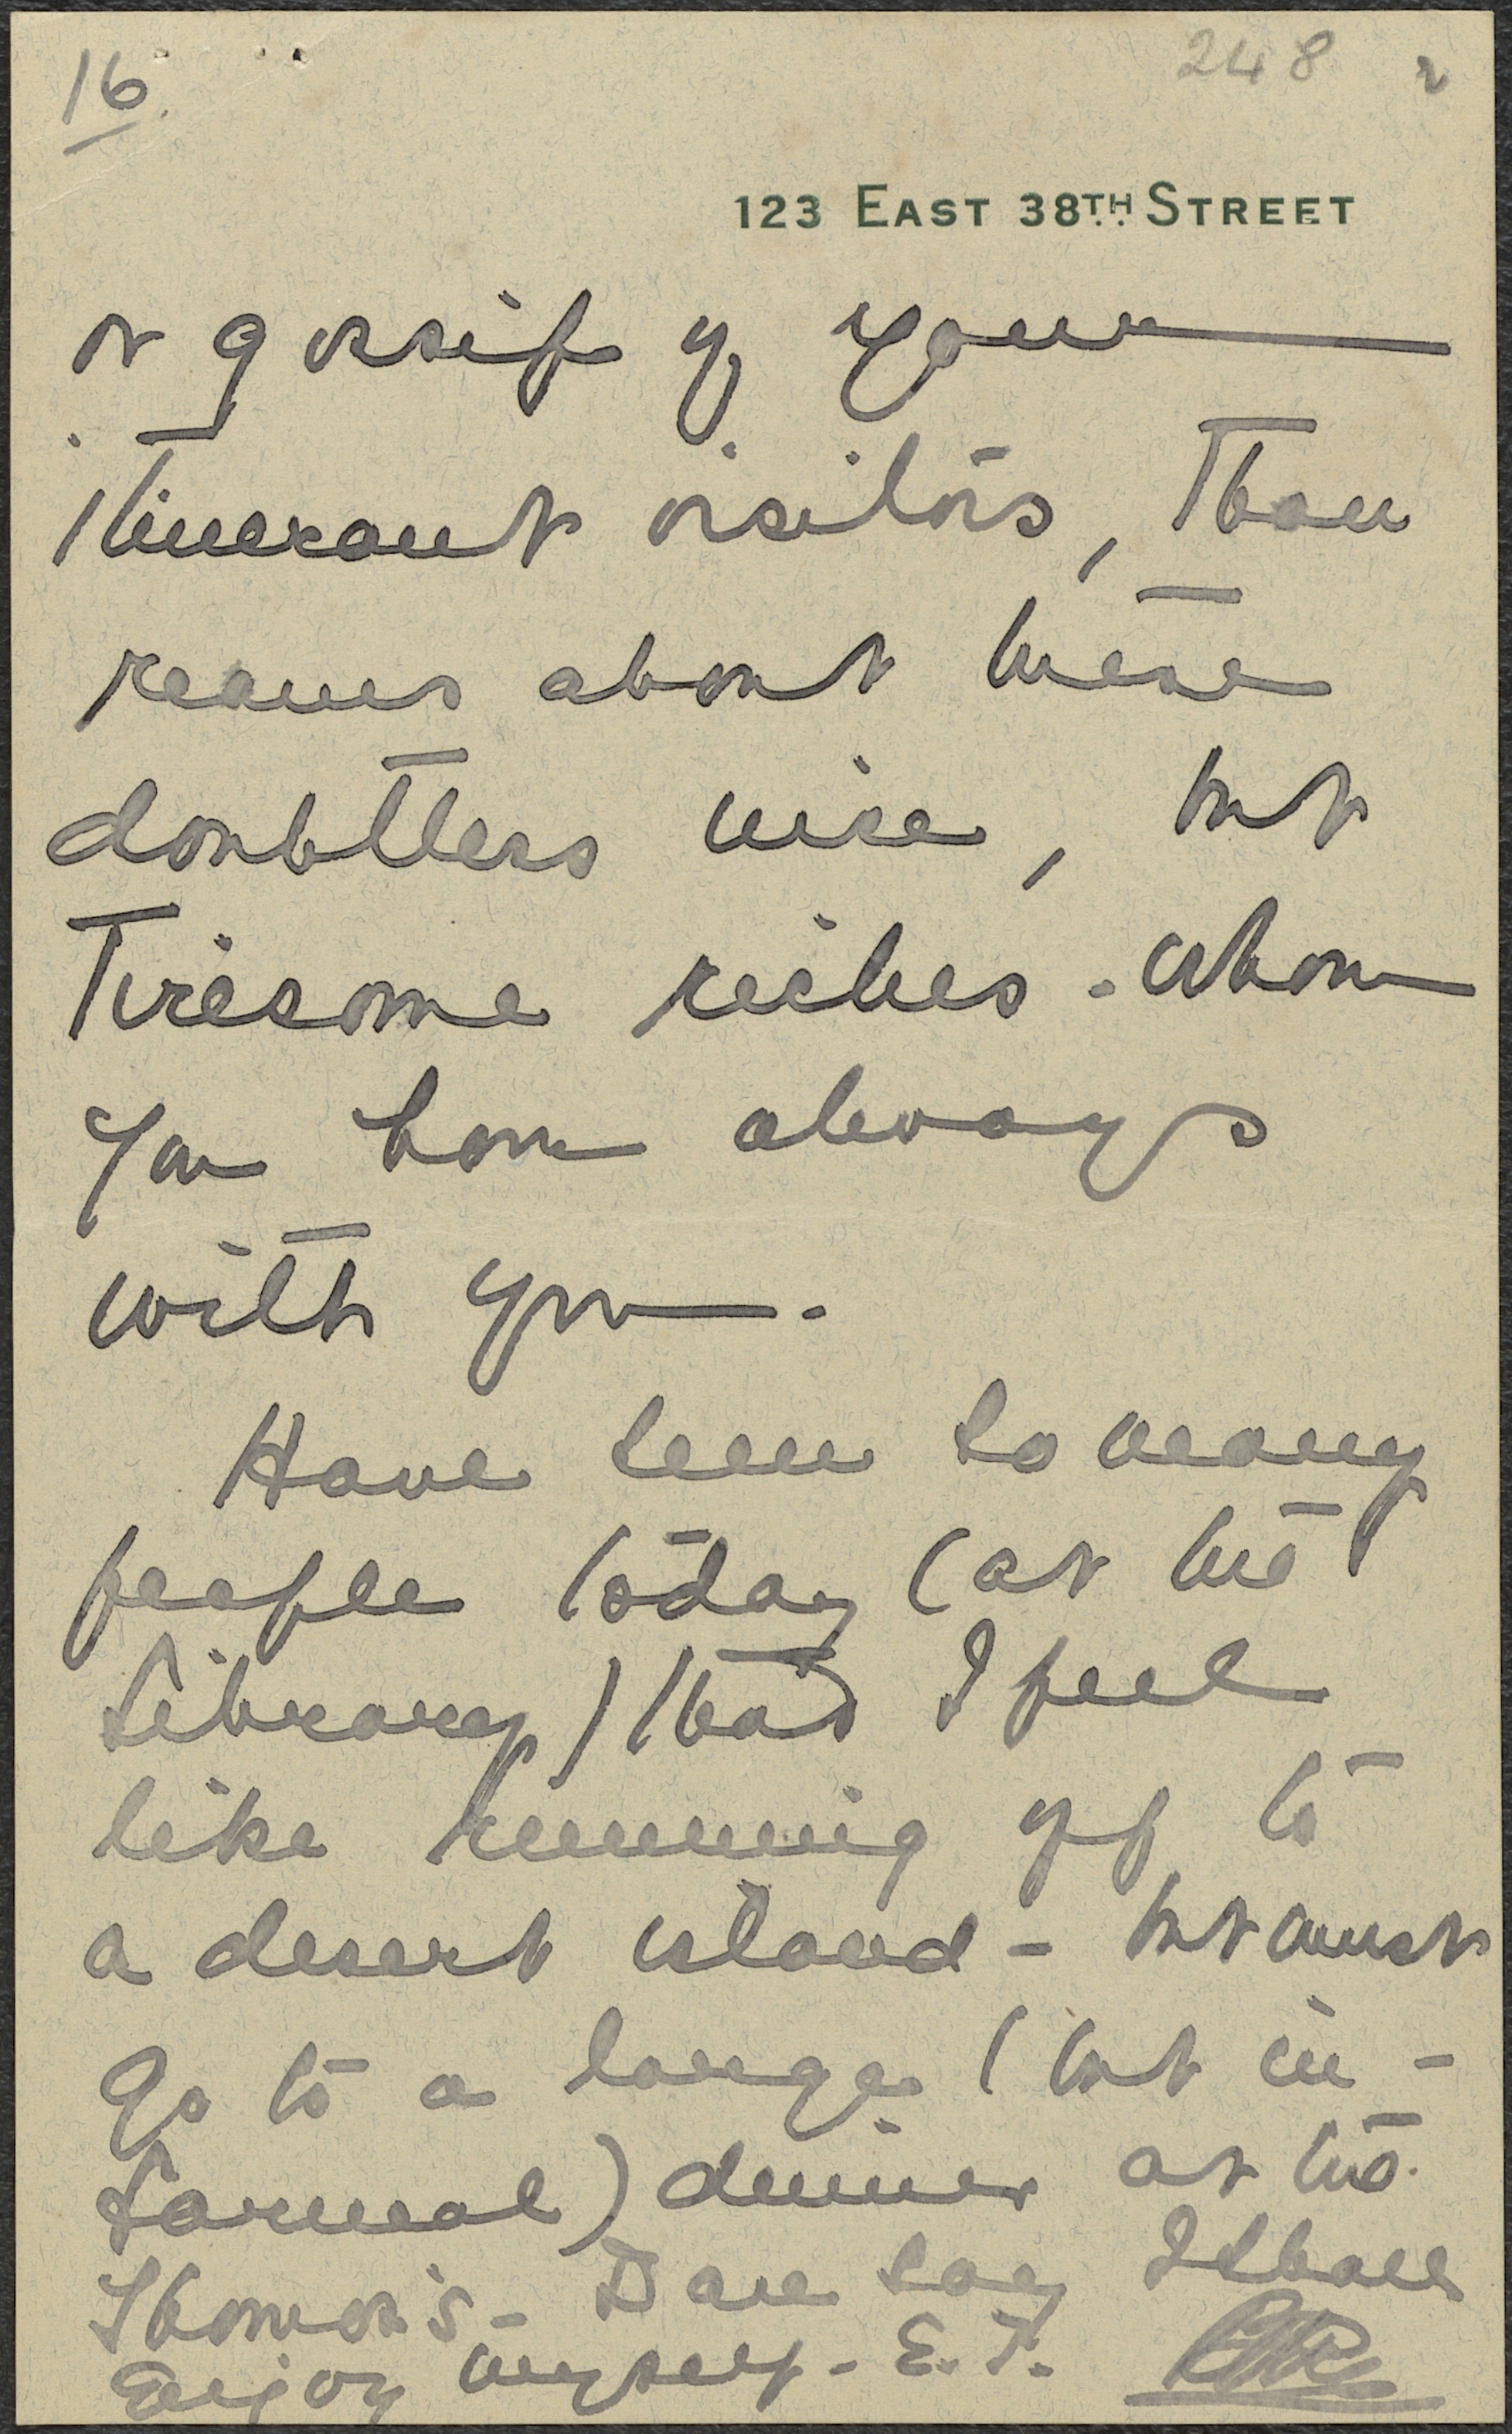16/
or gossip of your itinerant visitors, than reams about these doubtless nice, but tiresome riches – whom you have always with you –
Had seen so many people today (at the Library) that I feel like running off to a desert island – but must go to a large (but informal) dinner at the Thomas’s – Dare say I shall enjoy myself – E. Y. Belle